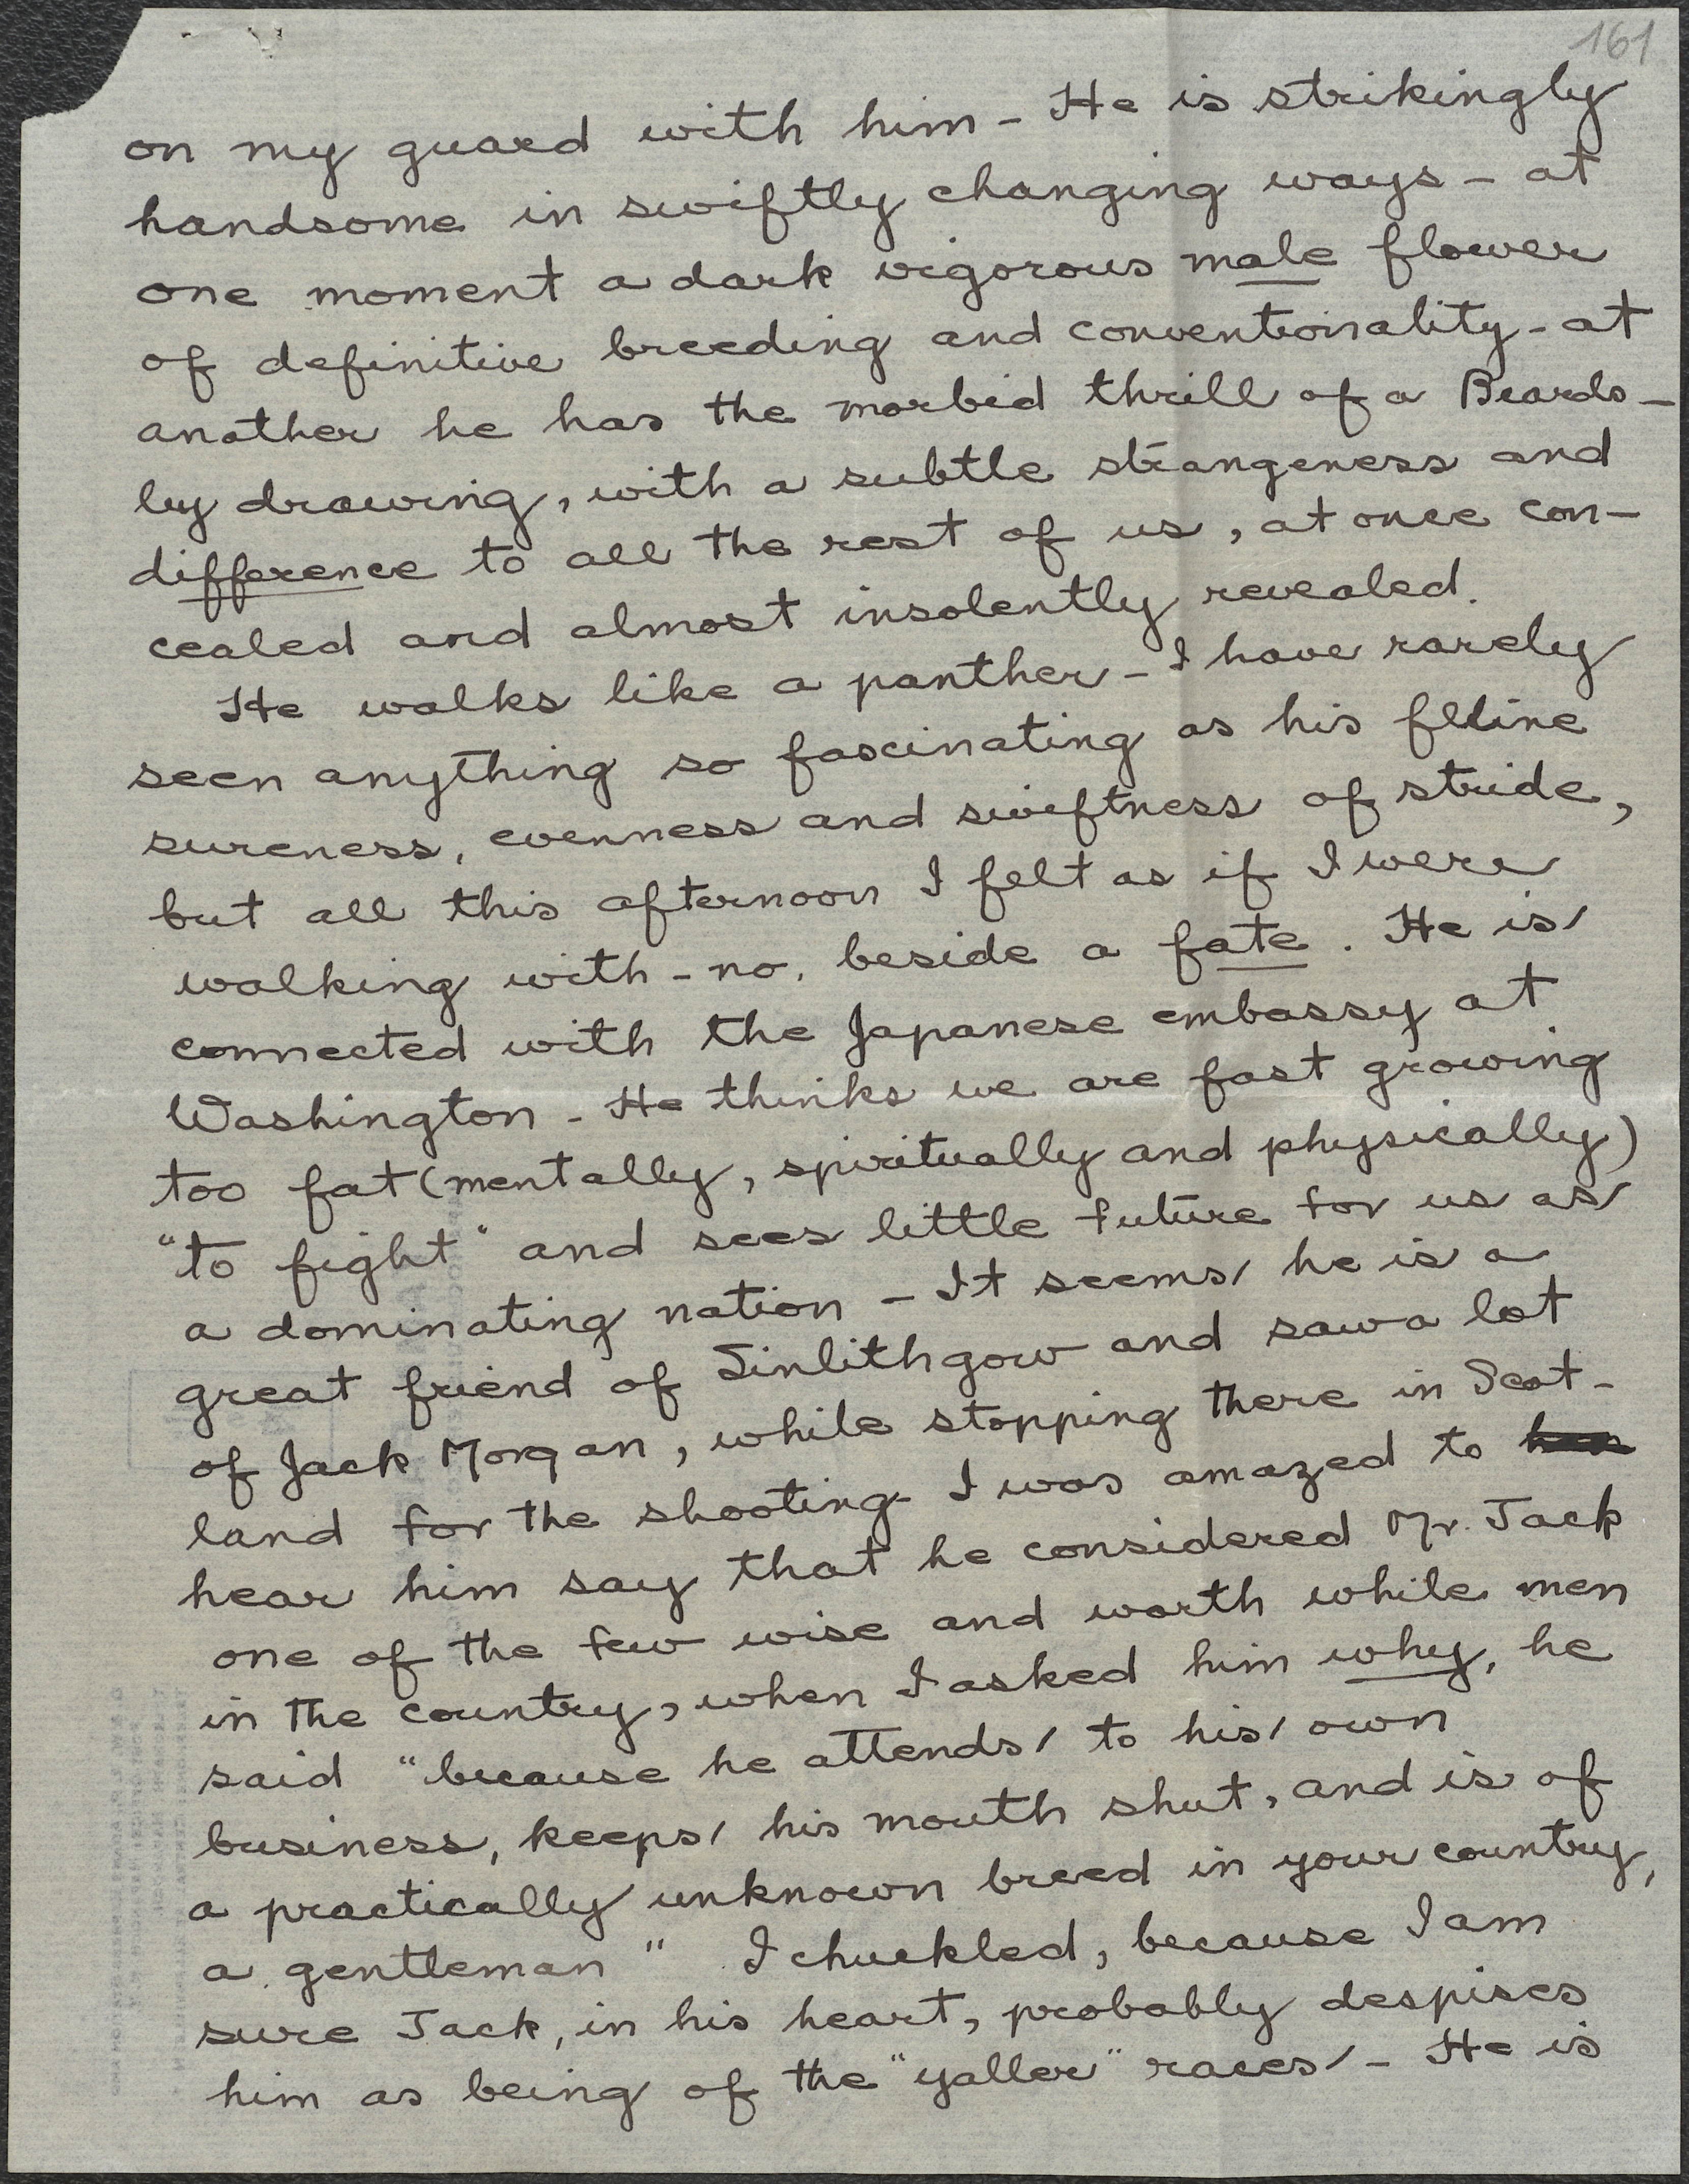on my guard with him – He is strikingly handsome in swiftly changing ways – at one moment a dark vigorous male flower of definitive breading and conventionality – at another he has the morbid thrill of a Beardsley drawing, with a subtle strangeness and difference to all the rest of us, at once concealed and almost insolently revealed.
He walks like a panther – I have rarely seen anything so fascinating as his feline sureness, evenness and swiftness of stride, but all this afternoon I felt as if I were walking with – no, beside a fate. He is connected with the Japanese embassy at Washington – He thinks we are fast growing too fat (mentally, spiritually and physically) "to fight" and sees little future for us as a dominating nation – It seems he is a great friend of Linlithgow and saw a lot of Jack Morgan, while stopping there in Scotland for the shooting I was amazed to have hear him say that he considered Mr. Jack one of the few wise and worth while [sic] men in the country, when I asked him why, he said "because he attends to his own business, keeps his mouth shut, and is of a practically unknown breed in your country, a gentleman" I chuckled, because I am sure Jack, in his heart, probably despises him as being of the "yaller" races – He is